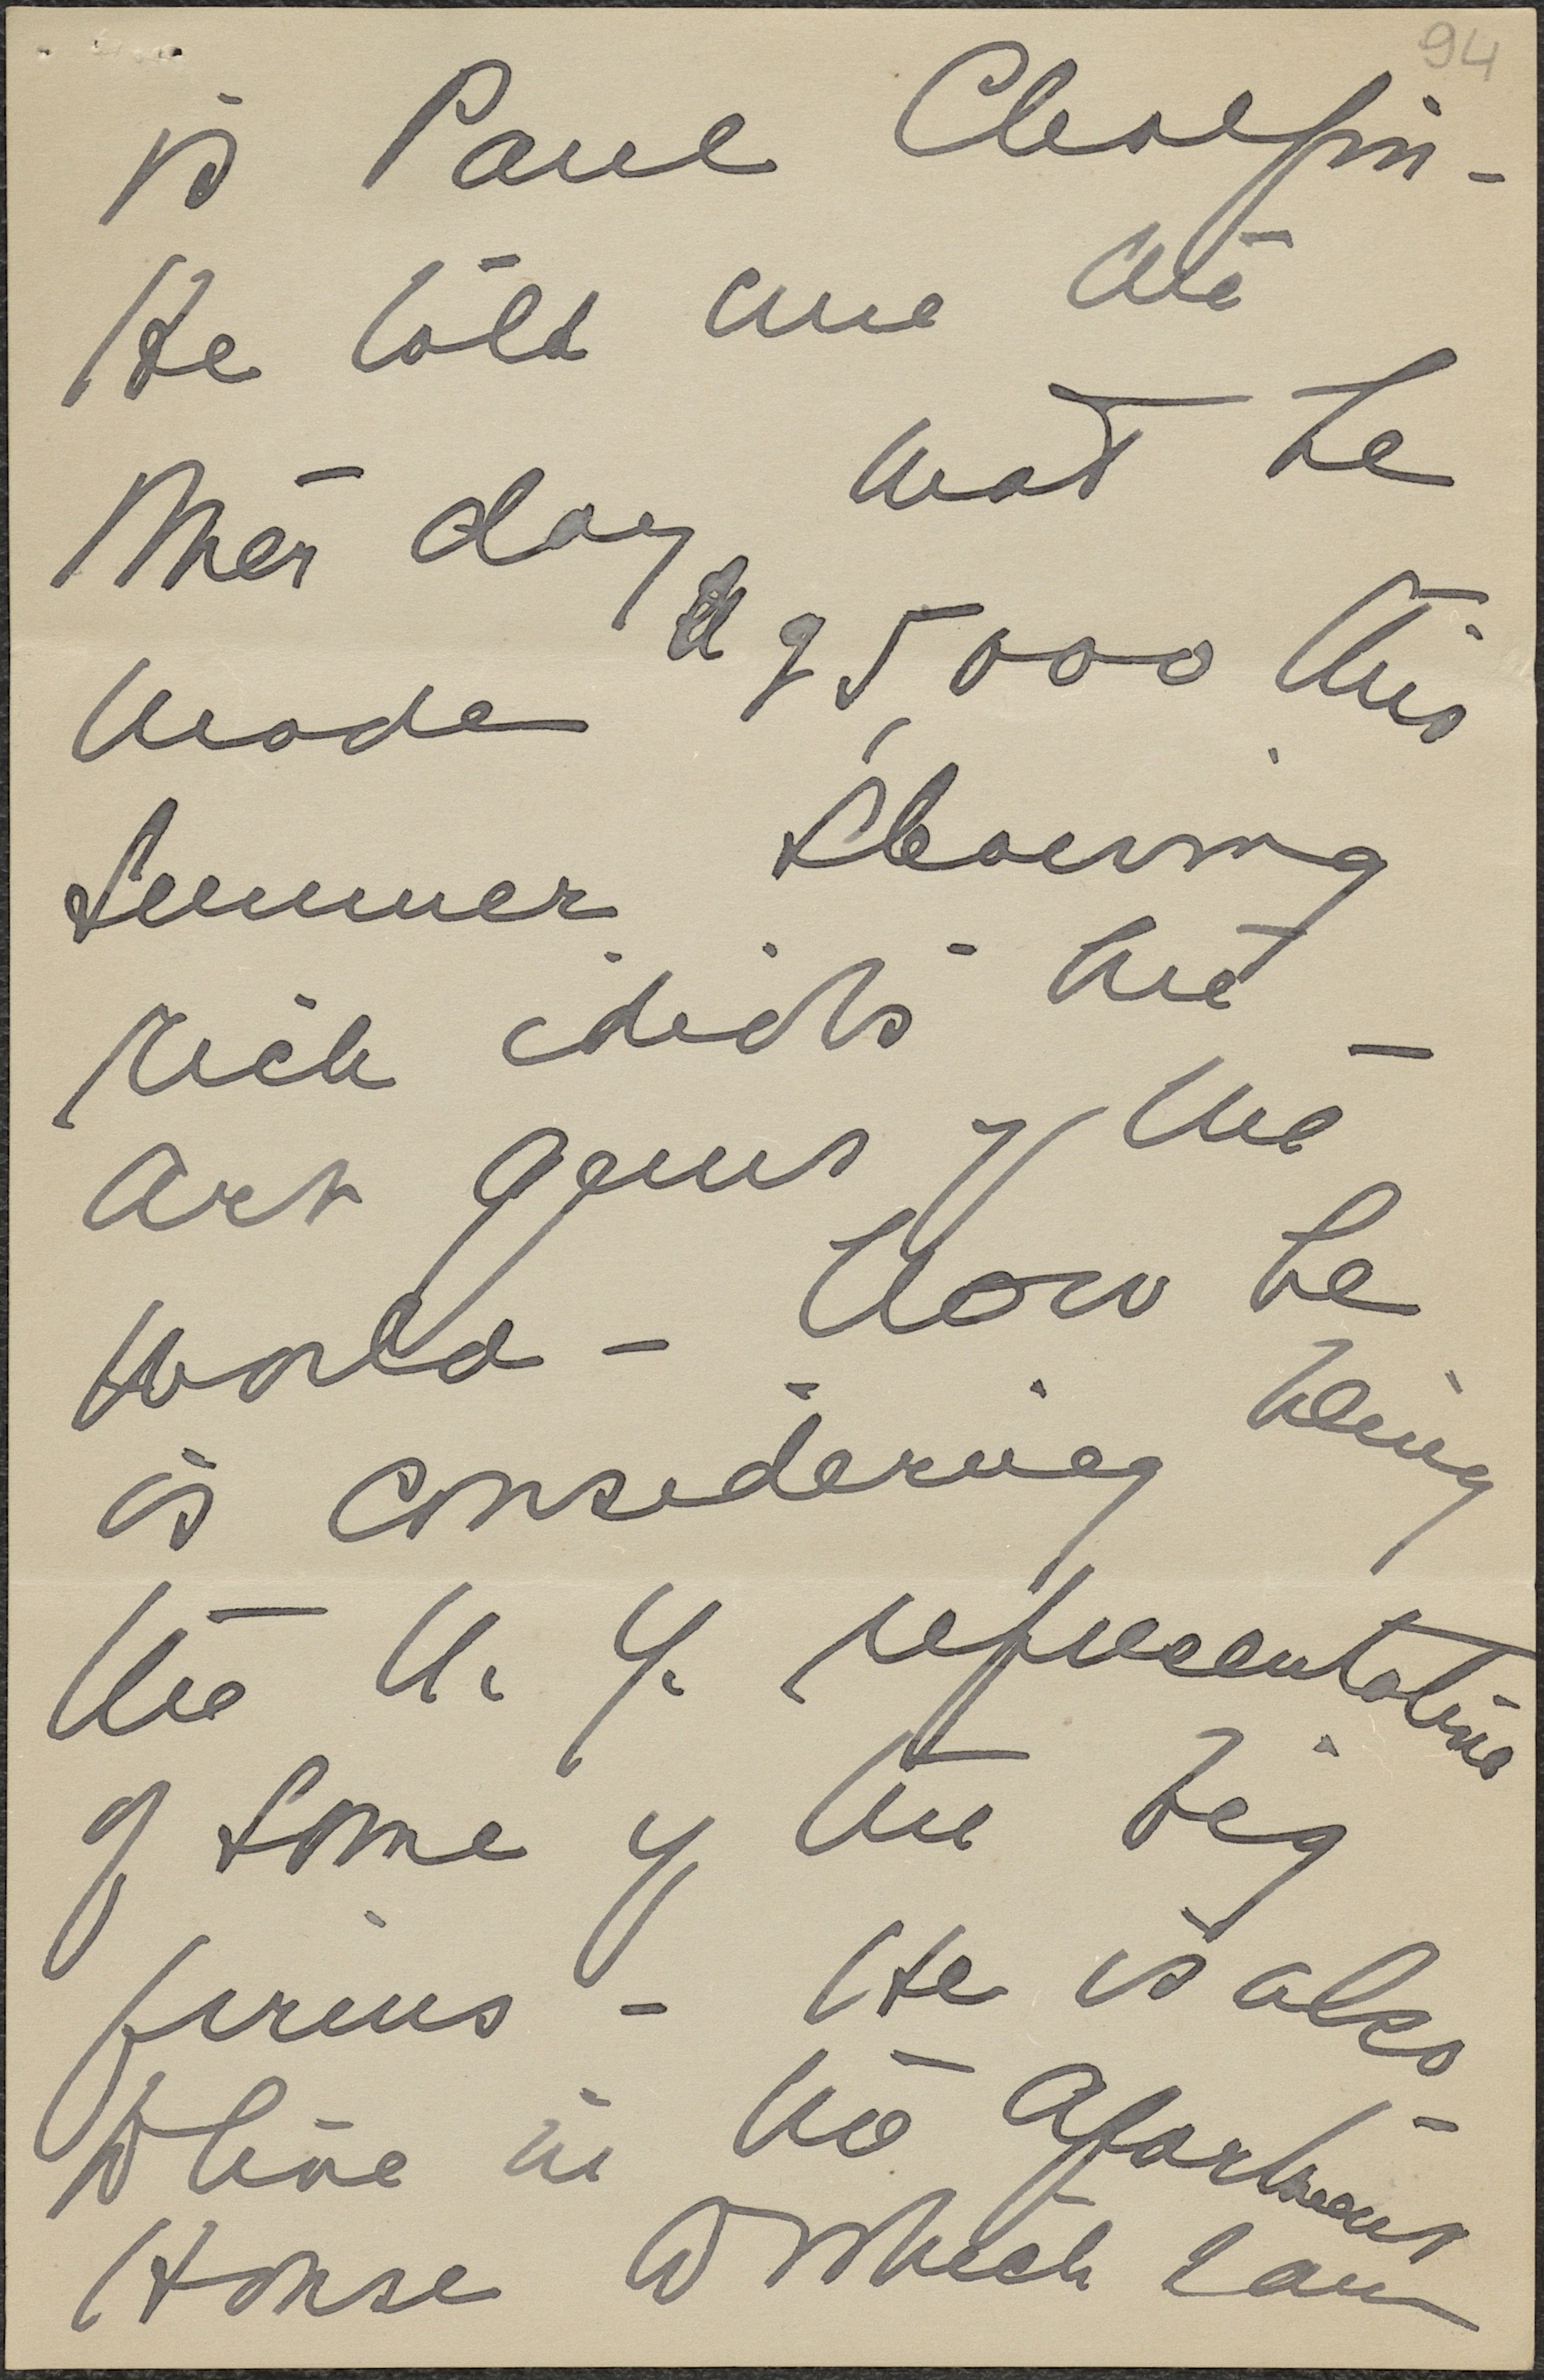is Paul Chalfin – He told me the other day that he made $25,000 this summer showing rich idiots the art gems of the world – Now he is considering selling the N. Y. representations of some of the big firms – He is also to live in the apartment House to which I am